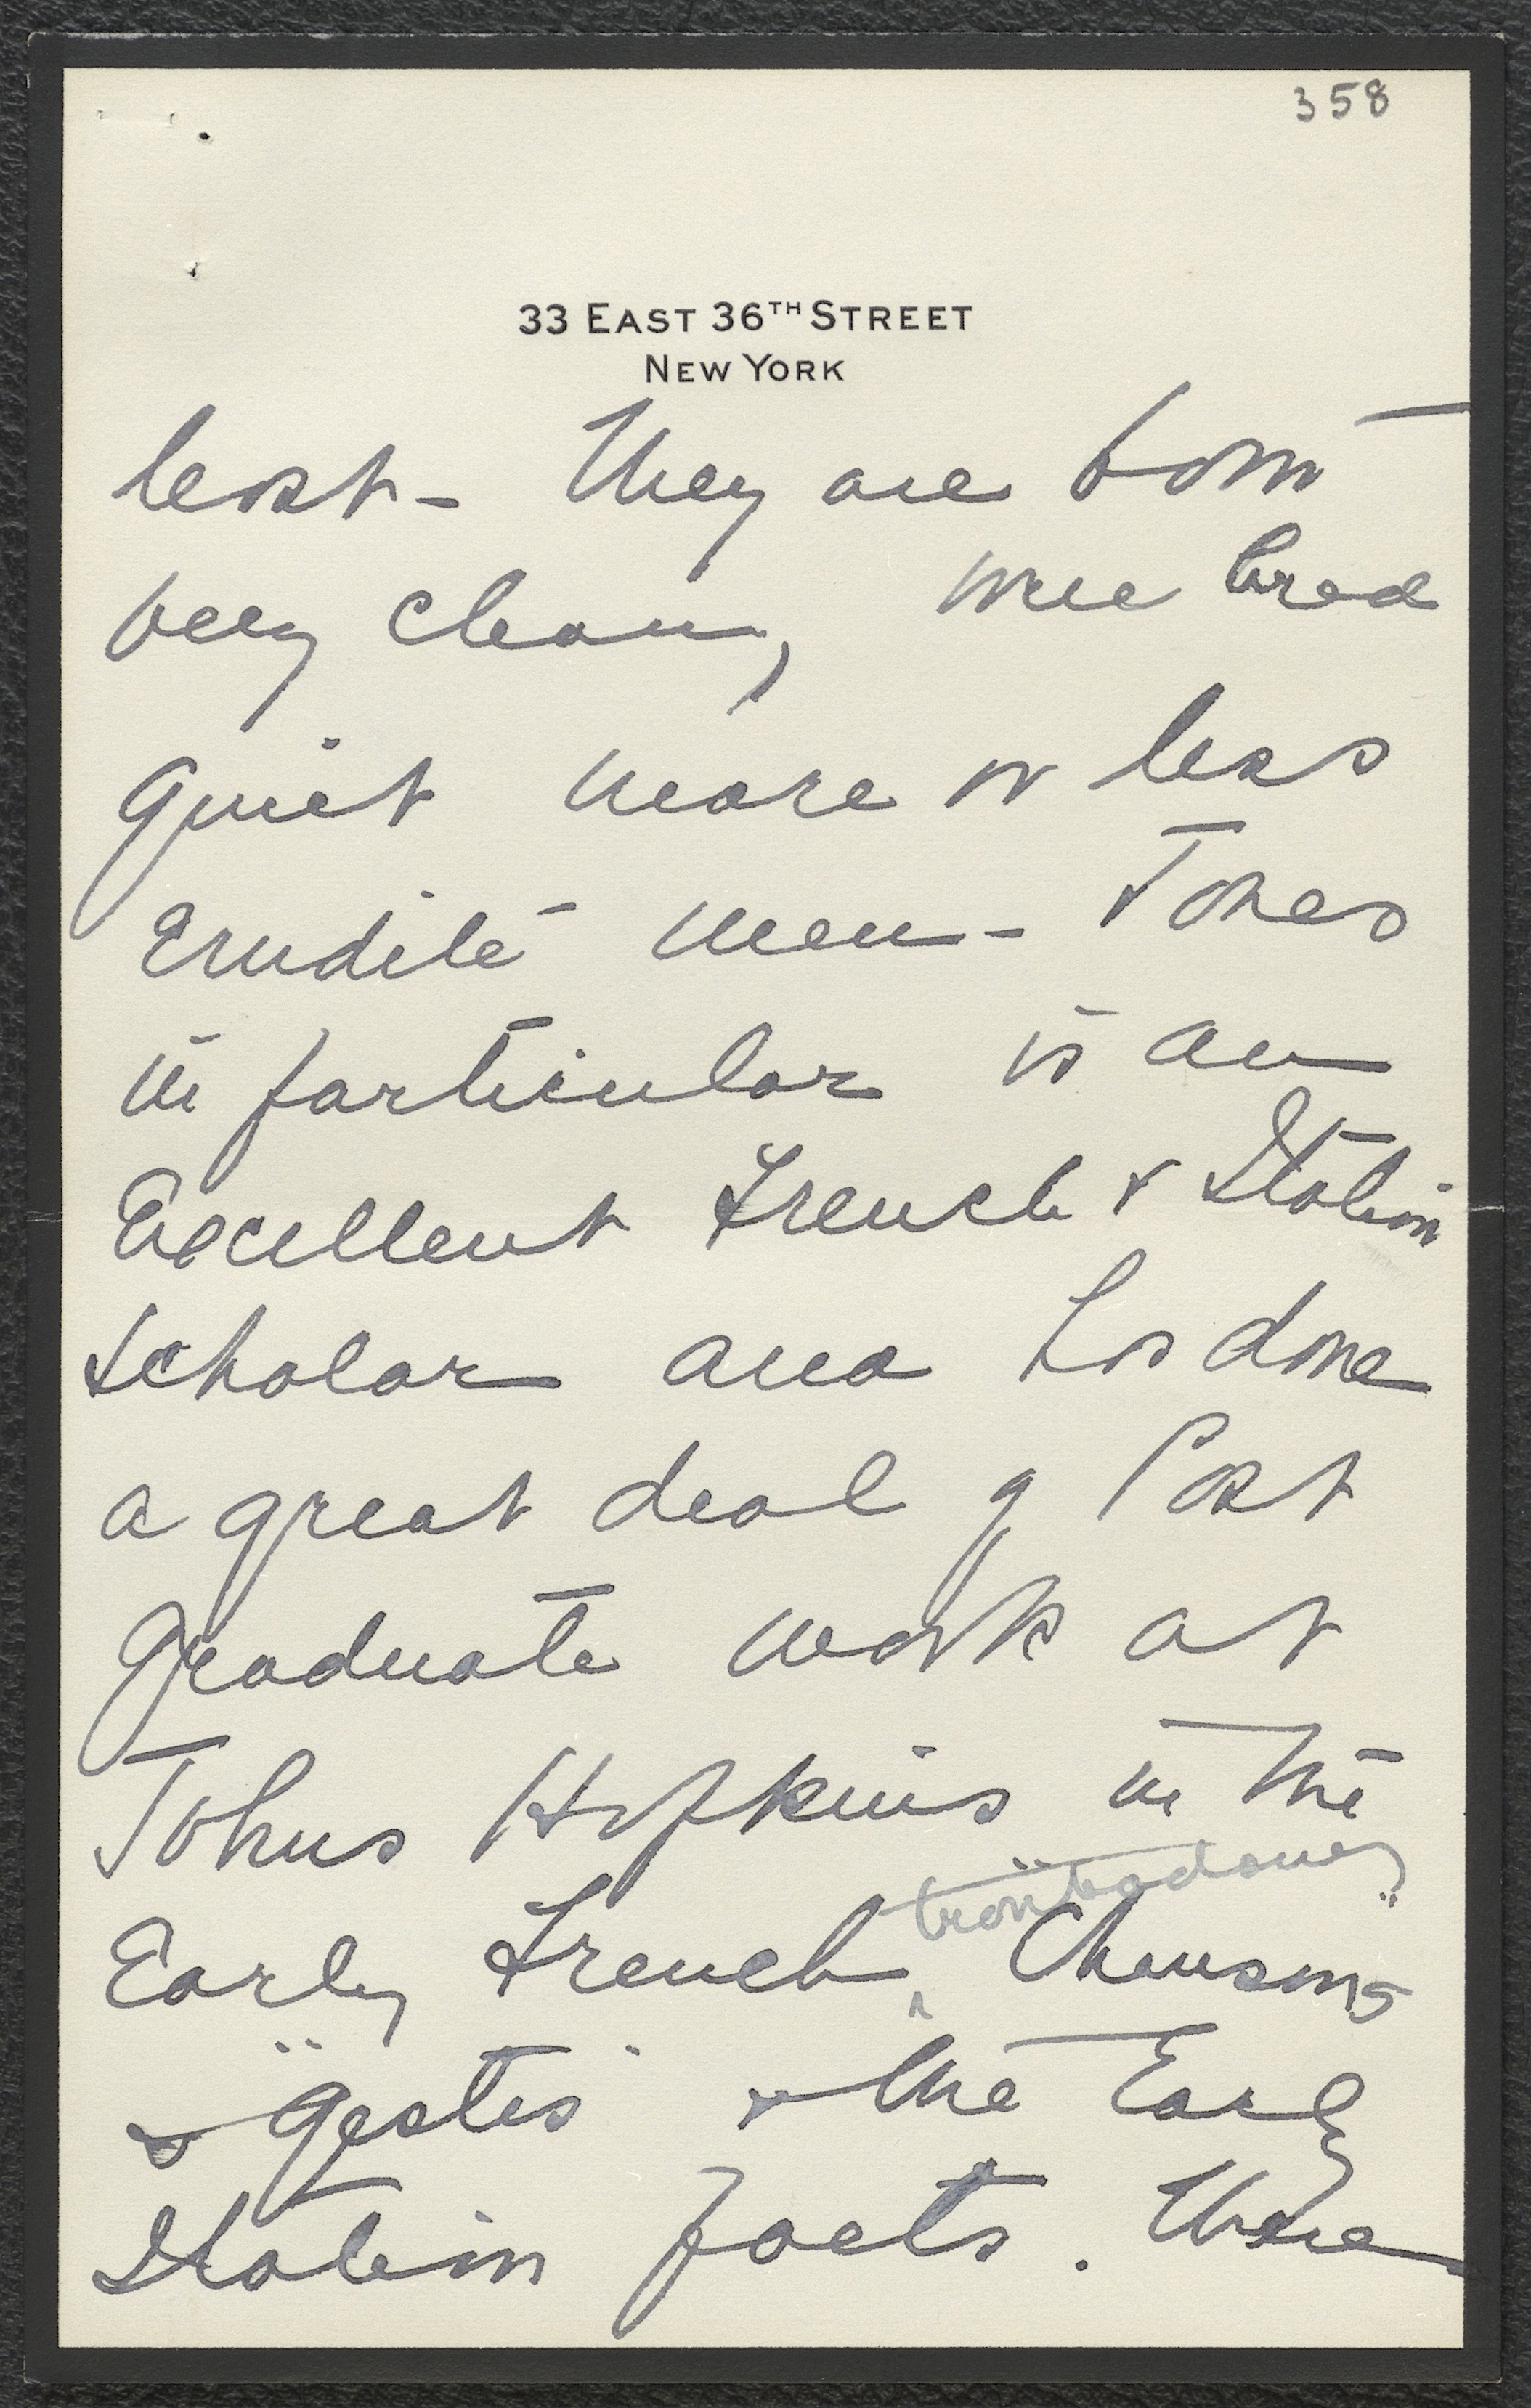least – They are both very clean, well bred quiet more or less Erudite men – Jones in particular is an excellent French & Italian scholar and has done a great deal of post graduate work at John Hopkins in the Early French [^troubadoury^] Chansons & “gestes” & the Early Italian poets. There